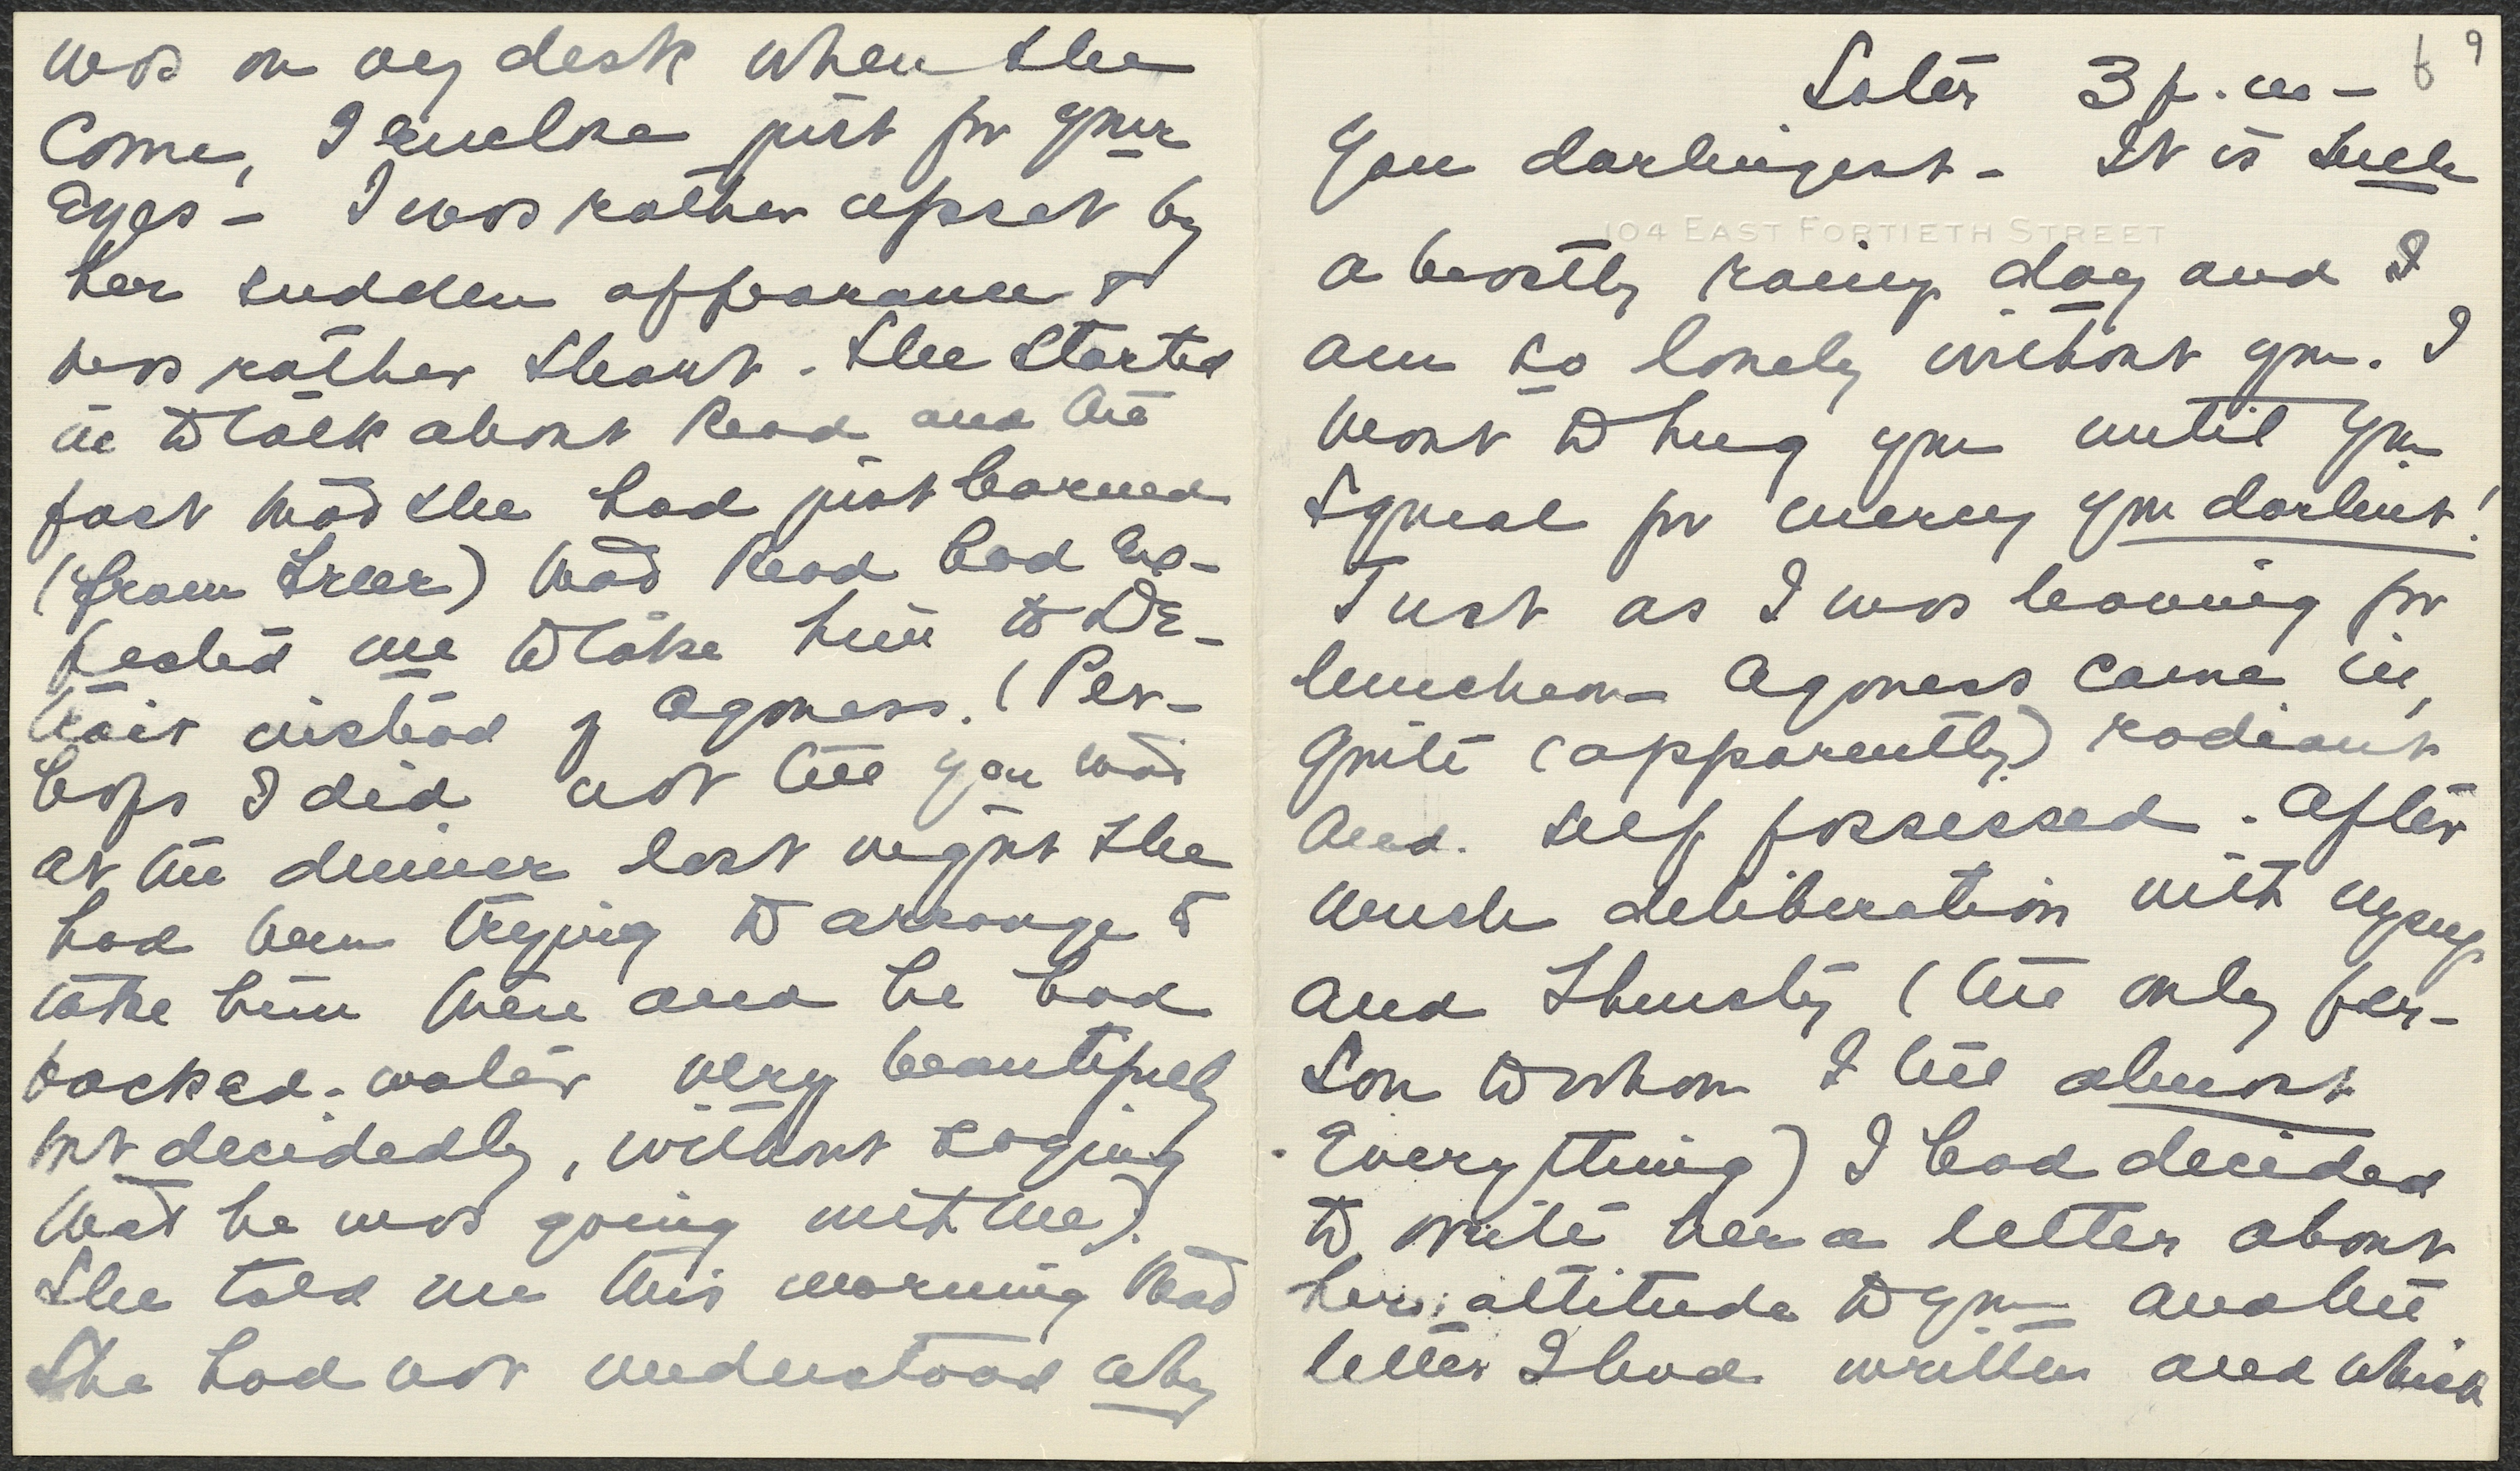Later 3 p.m –
You darlingest – It is such a beastly rainy day and I am so lonely without you. I want to hug you until you squeal for mercy you darlint!
Just as I was leaving for luncheon Agoness came in, quite (apparently) radiant and self possessed – After much deliberation with myself and Thursty (the only person whom I tell almost everything) I had decided to write her a letter about her attitude to you and the letter I have written and which
was on my desk when she came, I enclose just for your eyes – I was rather upset by her sudden appearance & was rather short – She started in to talk about Read and the fact that she had just learned (from Freer) that Read had expected me to take him to Detroit instead of Agoness (Perhaps I did not tell you that at the dinner last night she had been trying to arrange to take him there and he had backed-water very beautifully but decidedly, without saying that he was going with me). She told me this morning that she had not understood why